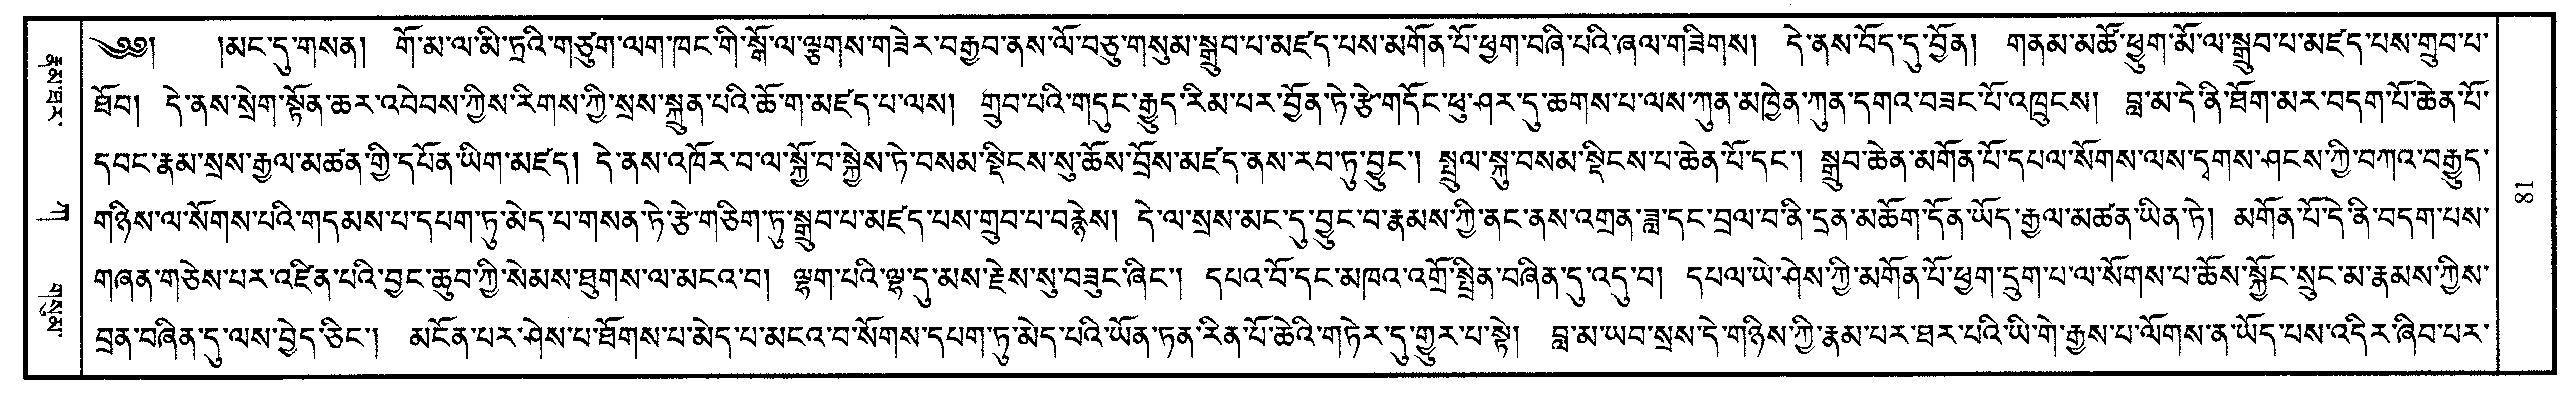༄༅། །མང་དུ་གསན། གོ་མ་ལ་མི་ཏྲའི་གཙུག་ལག་ཁང་གི་སྒོ་ལ་ལྕགས་གཟེར་བརྒྱབ་ནས་ལོ་བཅུ་གསུམ་སྒྲུབ་པ་མཛད་པས་མགོན་པོ་ཕྱག་བཞི་པའི་ཞལ་གཟིགས། དེ་ནས་བོད་དུ་བྱོན། གནམ་མཚོ་ཕྱུག་མོ་ལ་སྒྲུབ་པ་མཛད་པས་གྲུབ་པ་
ཐོབ། དེ་ནས་སྲེག་སྟོན་ཆར་འབེབས་ཀྱིས་རིགས་ཀྱི་སྲས་སྐྲུན་པའི་ཆོ་ག་མཛད་པ་ལས། གྲུབ་པའི་གདུང་རྒྱུད་རིམ་པར་བྱོན་ཏེ་རྩེ་གདོང་ཕུ་ཤར་དུ་ཆགས་པ་ལས་ཀུན་མཁྱེན་ཀུན་དགའ་བཟང་པོ་འཁྲུངས། བླ་མ་དེ་ནི་ཐོག་མར་བདག་པོ་ཆེན་པོ་
དབང་རྣམ་སྲས་རྒྱལ་མཚན་གྱི་དཔོན་ཡིག་མཛད། དེ་ནས་འཁོར་བ་ལ་སྐྱོ་བ་སྐྱེས་ཏེ་བསམ་སྡིངས་སུ་ཆོས་བྲོས་མཛད་ནས་རབ་ཏུ་བྱུང་། སྤྲུལ་སྐུ་བསམ་སྡིངས་པ་ཆེན་པོ་དང་། སྒྲུབ་ཆེན་མགོན་པོ་དཔལ་སོགས་ལས་དྭགས་ཤངས་ཀྱི་བཀའ་བརྒྱུད་
གཉིས་ལ་སོགས་པའི་གདམས་པ་དཔག་ཏུ་མེད་པ་གསན་ཏེ་རྩེ་གཅིག་ཏུ་སྒྲུབ་པ་མཛད་པས་གྲུབ་པ་བརྙེས། དེ་ལ་སྲས་མང་དུ་བྱུང་བ་རྣམས་ཀྱི་ནང་ནས་འགྲན་ཟླ་དང་བྲལ་བ་ནི་དྲན་མཆོག་དོན་ཡོད་རྒྱལ་མཚན་ཡིན་ཏེ། མགོན་པོ་དེ་ནི་བདག་པས་
གཞན་གཅེས་པར་འཛིན་པའི་བྱང་ཆུབ་ཀྱི་སེམས་ཐུགས་ལ་མངའ་བ། ལྷག་པའི་ལྷ་དུ་མས་རྗེས་སུ་བཟུང་ཞིང་། དཔའ་བོ་དང་མཁའ་འགྲོ་སྤྲིན་བཞིན་དུ་འདུ་བ། དཔལ་ཡེ་ཤེས་ཀྱི་མགོན་པོ་ཕྱག་དྲུག་པ་ལ་སོགས་པ་ཆོས་སྐྱོང་སྲུང་མ་རྣམས་ཀྱིས་
བྲན་བཞིན་དུ་ལས་བྱེད་ཅིང་། མངོན་པར་ཤེས་པ་ཐོགས་པ་མེད་པ་མངའ་བ་སོགས་དཔག་ཏུ་མེད་པའི་ཡོན་ཏན་རིན་པོ་ཆེའི་གཏེར་དུ་གྱུར་པ་སྟེ། བླ་མ་ཡབ་སྲས་དེ་གཉིས་ཀྱི་རྣམ་པར་ཐར་པའི་ཡི་གེ་རྒྱས་པ་ལོགས་ན་ཡོད་པས་འདིར་ཞིབ་པར་